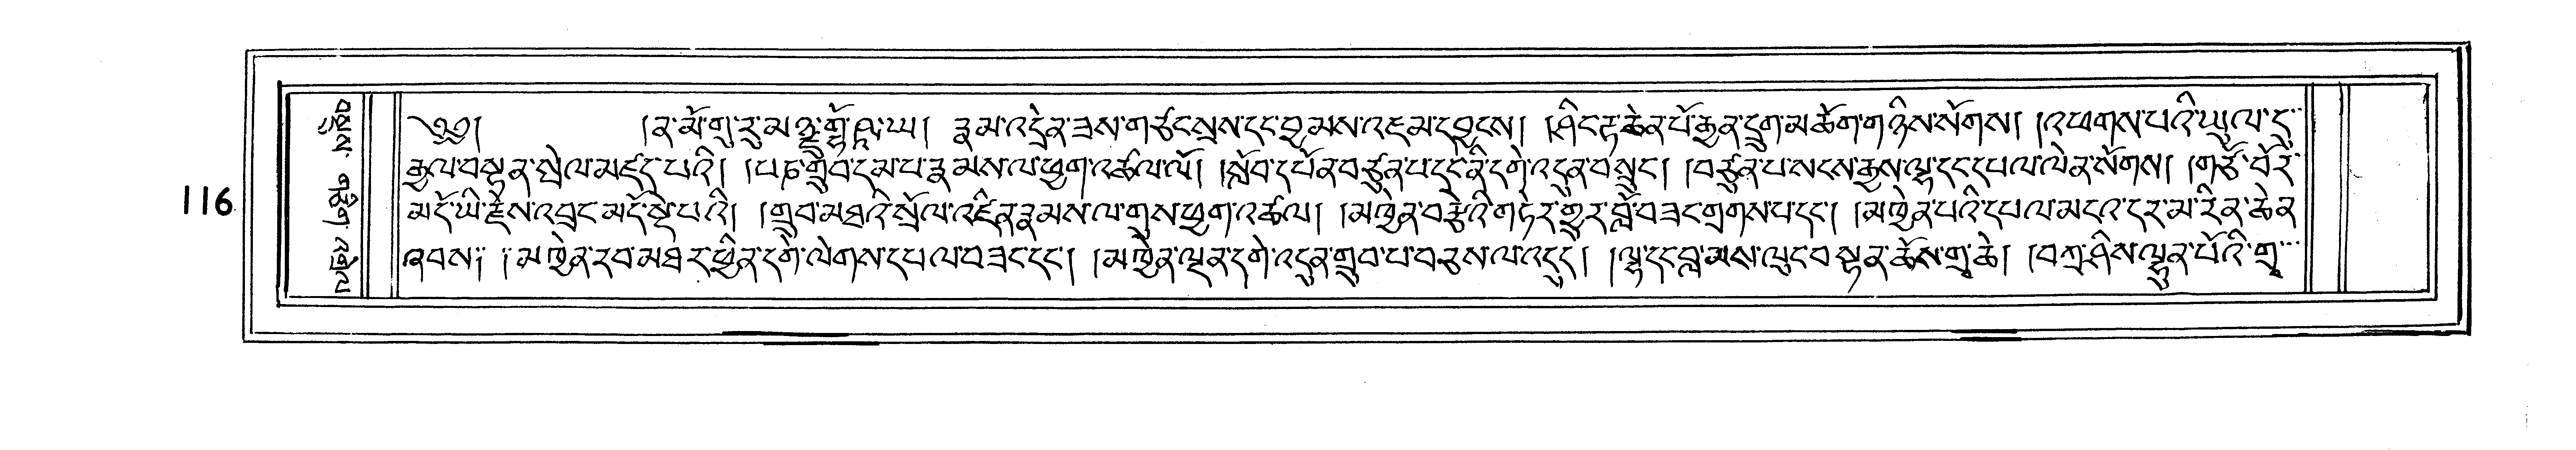༄༅། །ན་མོ་གུ་རུ་མཉྫུ་གྷོ་ཥཱ་ཡ། རྣམ་འདྲེན་ཟས་གཙང་སྲས་དང་བྱམས་འཇམ་དབྱངས། །ཤིང་རྟ་ཆེན་པོ་རྒྱན་དྲུག་མཆོག་གཉིས་སོགས། །འཕགས་པའི་ཡུལ་དུ་
རྒྱལ་བསྟན་སྤེལ་མཛད་པའི། །པཎ་གྲུབ་དམ་པ་རྣམས་ལ་ཕྱག་འཚལ་ལོ། །སློབ་དཔོན་བཙུན་པ་དང་ནི་དགེ་འདུན་བསྲུང་། །བཙུན་པ་སངས་རྒྱས་ལྷ་དང་དཔལ་ལེན་སོགས། །གཙོ་བོར་
མདོ་ཡི་རྗེས་འབྲང་མདོ་སྡེ་པའི། །གྲུབ་མཐའི་སྲོལ་འཛིན་རྣམས་ལ་གུས་ཕྱག་འཚལ། །མཁྱེན་བརྩེའི་གཏེར་གྱུར་བློ་བཟང་གྲགས་པ་དང་། །མཁྱེན་པའི་དཔལ་མངའ་དར་མ་རིན་ཆེན་
ཞབས༑ ༑མཁྱེན་རབ་མཐར་ཕྱིན་དགེ་ལེགས་དཔལ་བཟང་དང་། །མཁྱེན་ལྡན་དགེ་འདུན་གྲུབ་པ་བཅས་ལ་འདུད། །ལྷ་དང་བླ་མས་ལུང་བསྟན་ཆོས་གྲྭ་ཆེ། །བཀྲ་ཤིས་ལྷུན་པོའི་གྲྭ་